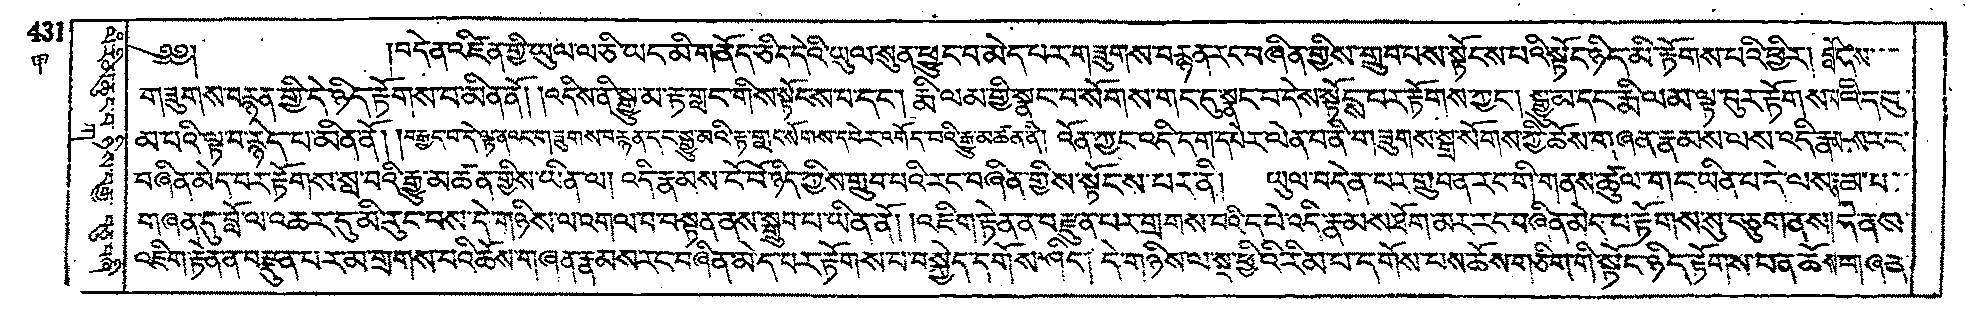༄༅། །བདེན་འཛིན་གྱི་ཡུལ་ལ་ཅི་ཡང་མི་གནོད་ཅིང་དེའི་ཡུལ་སུན་ཕྱུང་བ་མེད་པར་གཟུགས་བརྙན་རང་བཞིན་གྱིས་གྲུབ་པས་སྟོངས་པའི་སྟོང་ཉིད་མི་རྟོགས་པའི་ཕྱིར། བློ་དེས་
གཟུགས་བརྙན་གྱི་དེ་ཉིད་རྟོགས་པ་མིན་ནོ། །འདིས་ནི་སྒྱུ་མ་གླང་གིས་སྟོང་པ་དང་། རྨི་ལམ་གྱི་སྣང་བ་སོགས་གང་དུ་སྣང་བ་དེས་སྟོངས་པར་རྟོགས་ཀྱང་། སྒྱུ་མ་དང་རྨི་ལམ་ལྟ་བུར་རྟོགས་པའི་དབུ་
མ་པའི་ལྟ་བ་རྙེད་པ་མིན་ནོ། །བརྒྱད་པ་དེ་ལྟ་ནའང་གཟུགས་བརྙན་དང་སྒྱུ་མའི་རྟ་གླང་སོགས་དཔེར་འགོད་པའི་རྒྱུ་མཚན་ནི།  འོན་ཀྱང་འདི་དག་དཔེར་ལེན་པ་ནི་གཟུགས་སྒྲ་སོགས་ཀྱི་ཆོས་གཞན་རྣམས་ལས་འདི་རྣམས་རང་
བཞིན་མེད་པར་རྟོགས་སླ་བའི་རྒྱུ་མཚན་གྱིས་ཡིན་ལ། འདི་རྣམས་ངོ་བོ་ཉིད་ཀྱིས་གྲུབ་པའི་རང་བཞིན་གྱིས་སྟོང་པར་ནི། ཡུལ་བདེན་པར་གྲུབ་ན་རང་གི་གནས་ཚུལ་གང་ཡིན་པ་དེ་ལས་རྣམ་པ་
གཞན་དུ་བློ་ལ་འཆར་དུ་མི་རུང་བས་དེ་གཉིས་ལ་འགལ་བ་བསྟན་ནས་སྒྲུབ་པ་ཡིན་ནོ། །འཇིག་རྟེན་ན་བརྫུན་པར་གྲགས་པའི་དཔེ་འདི་རྣམས་ཐོག་མར་རང་བཞིན་མེད་པ་རྟོགས་སུ་བཅུག་ནས། དེ་ནས་
འཇིག་རྟེན་ན་བརྫུན་པར་མ་གྲགས་པའི་ཆོས་གཞན་རྣམས་རང་བཞིན་མེད་པར་རྟོགས་པ་བསྐྱེད་དགོས་ཤིང་། དེ་གཉིས་ལ་སྔ་ཕྱིའི་རིམ་པ་དགོས་པས་ཆོས་གཅིག་གི་སྟོང་ཉིད་རྟོགས་པ་ན་ཆོས་གཞན་